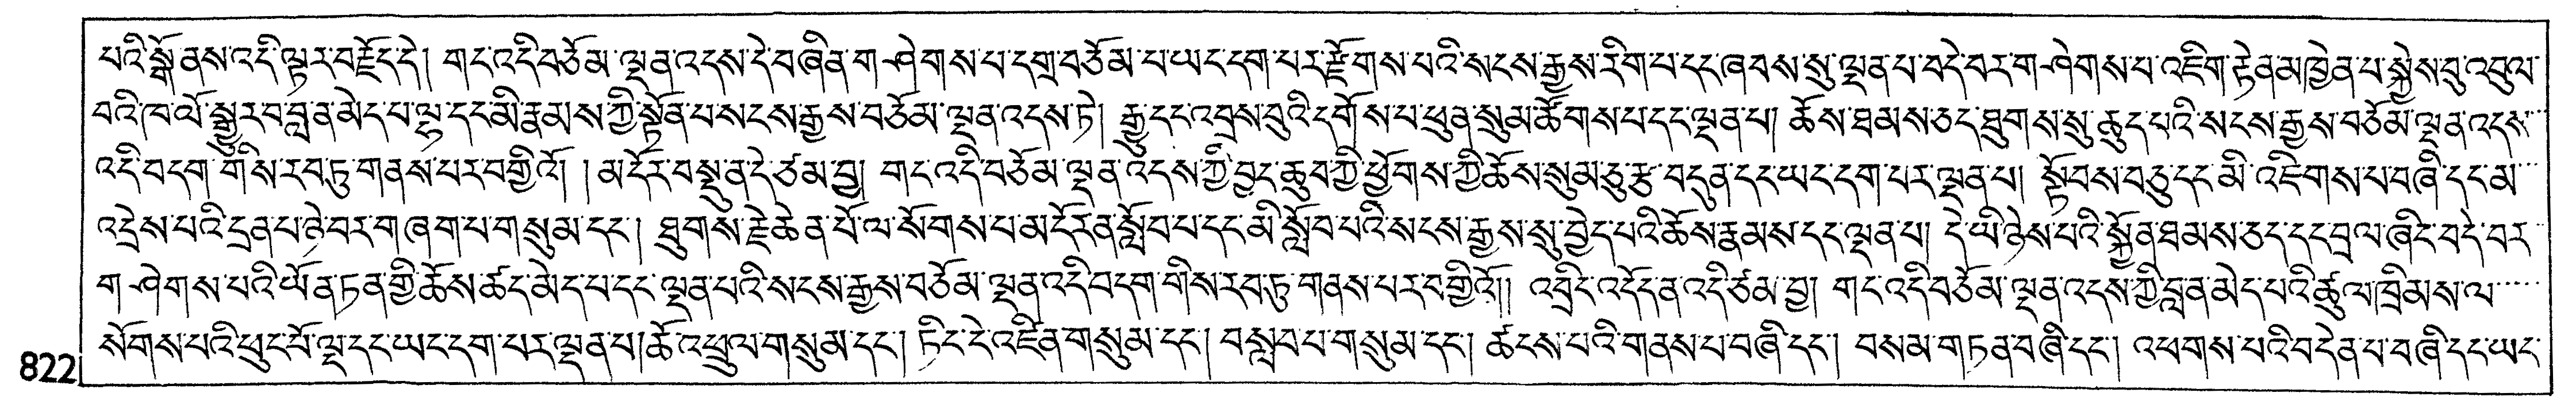པའི་སྒོ་ནས་འདི་ལྟར་བརྗོད་དེ། གང་འདི་བཅོམ་ལྡན་འདས་དེ་བཞིན་གཤེགས་པ་དགྲ་བཅོམ་པ་ཡང་དག་པར་རྫོགས་པའི་སངས་རྒྱས་རིག་པ་དང་ཞབས་སུ་ལྡན་པ་བདེ་བར་གཤེགས་པ་འཇིག་རྟེན་མཁྱེན་པ་སྐྱེས་བུ་འབུལ་
བའི་ཁ་ལོ་སྒྱུར་བ་བླ་ན་མེད་པ་ལྷ་དང་མི་རྣམས་ཀྱི་སྟོན་པ་སངས་རྒྱས་བཅོམ་ལྡན་འདས་ཏེ། རྒྱུ་དང་འབྲས་བུའི་དགོས་པ་ཕུན་སུམ་ཚོགས་པ་དང་ལྡན་པ། ཆོས་ཐམས་ཅད་ཐུགས་སུ་ཆུད་པའི་སངས་རྒྱས་བཅོམ་ལྡན་འདས་
འདི་བདག་གིས་རབ་ཏུ་གནས་པར་བགྱིའོ། །མདོར་བསྡུ་ན་དེ་ཙམ་བྱ། གང་འདི་བཅོམ་ལྡན་འདས་ཀྱི་བྱང་ཆུབ་ཀྱི་ཕྱོགས་ཀྱི་ཆོས་སུམ་ཅུ་རྩ་བདུན་དང་ཡང་དག་པར་ལྡན་པ། སྟོབས་བཅུ་དང་མི་འཇིགས་པ་བཞི་དང་མ་
འདྲེས་པའི་དྲན་པ་ཉེ་བར་གཞག་པ་གསུམ་དང་། ཐུགས་རྗེ་ཆེན་པོ་ལ་སོགས་པ་མདོར་ན་སློབ་པ་དང་མི་སློབ་པའི་སངས་རྒྱས་སུ་བྱེད་པའི་ཆོས་རྣམས་དང་ལྡན་པ། དེ་ཡི་ཉེས་པའི་སྐྱོན་ཐམས་ཅད་དང་བྲལ་ཞིང་བདེ་བར་
གཤེགས་པའི་ཡོན་ཏན་གྱི་ཆོས་ཚད་མེད་པ་དང་ལྡན་པའི་སངས་རྒྱས་བཅོམ་ལྡན་འདི་བདག་གིས་རབ་ཏུ་གནས་པར་བགྱིའོ། །འབྲིང་འདོད་ན་འདི་ཙམ་བྱ། གང་འདི་བཅོམ་ལྡན་འདས་ཀྱི་བླ་ན་མེད་པའི་ཚུལ་ཁྲིམས་ལ་
སོགས་པའི་ཕུང་པོ་ལྔ་དང་ཡང་དག་པར་ལྡན་པར་ལྡན་པ། ཆོ་འཕྲུལ་གསུམ་དང་། ཏིང་ངེ་འཛིན་གསུམ་དང་། བསླབ་པ་གསུམ་དང་། ཚངས་པའི་གནས་པ་བཞི་དང་། བསམ་གཏན་བཞི་དང་། འཕགས་པའི་བདེན་པ་བཞི་དང་ཡང་